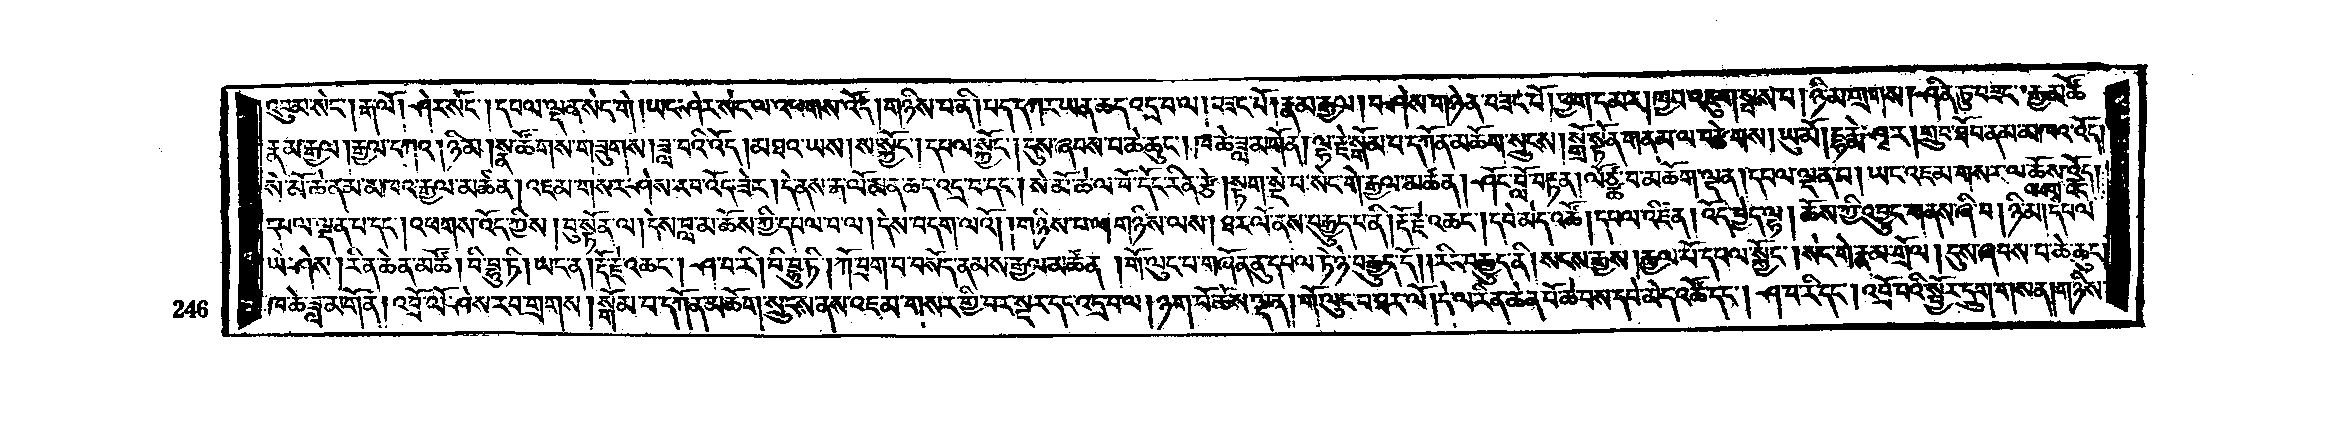འབུམ་སེང་། རྒ་ལོ། ཤེར་སོང་། དཔལ་ལྡན་སེང་གེ། ཡང་ཤེར་སེང་ལ་འཕགས་འོད། གཉིས་པ་ནི། པད་དཀར་ཡན་ཆད་འདྲ་བ་ལ། བཟང་པོ། རྣམ་རྒྱལ། བཤེས་གཉེན་བཟང་པོ། ཕྱག་དམར། ཁྱབ་འཇུག་སྤས་པ། ཉི་མ་གྲགས། ཤིན་ཏུ་བཟང་རྒྱ་མཚོ་
རྣམ་རྒྱལ། རྒྱལ་དཀའ། ཉི་མ། སྣ་ཚོགས་གཟུགས། ཟླ་བའི་འོད། མཐའ་ཡས། ས་སྐྱོང་། དཔལ་སྐྱོང་། དུས་ཞབས་པ་ཆེ་ཆུང་། ཁ་ཆེ་ཟླ་མགོན། ལྷ་རྗེ་སྒོམ་པ་དཀོན་མཆོག་སྲུངས། སྒྲོ་སྟོན་གནམ་ལ་བརྩེགས། ཡུ་མོ། དྷརྨེ་ཤྭ་ར། གྲུབ་ཐོབ་ནམ་མཁའ་འོད།
སེ་མོ་ཆེ་ནམ་མཁའ་རྒྱལ་མཚན། འཇམ་གསར་ཤེས་རབ་འོད་ཟེར། དེ་ནས་རྒ་ལོ་མན་ཆད་འདྲ་བ་དང་། སེ་མོ་ཆེ་ལ་བོ་དོང་རིན་རྩེ། སྟག་སྡེ་པ་སེང་གེ་རྒྱལ་མཚན། ཤོང་བློ་བརྟན། ལོཙྪ་བ་མཆོག་ལྡན། དཔལ་ལྡན་པ། ཡང་འཇམ་གསར་ལ་ཆོས་འོད། འཕགས་འོད་
དཔལ་ལྡན་པ་དང་། འཕགས་འོད་ཀྱིས། བུ་སྟོན་ལ། དེས་བླ་མ་ཆོས་ཀྱི་དཔལ་བ་ལ། དེས་བདག་ལའོ། །གཉིས་པ་ལ། གཉིས་ལས། ཐར་ལོ་ནས་བརྒྱུད་པ་ནི། རྡོ་རྗེ་འཆང་། དབེ་མེད་འཚོ། དཔལ་འཛིན། འོད་བྱེད་ལྷ། ཆོས་ཀྱི་འབྱུང་གནས་ཞི་བ། ཉི་མ། དཔལ་
ཡེ་ཤེ། རིན་ཆེན་མཚོ། བི་བྷུ་ཏི། ཡང་ན། རྡོ་རྗེ་འཆང་། ཤ་བ་རི། བི་བྷུ་ཏི། ཀོ་བྲག་པ་བསོད་ནམས་རྒྱལ་མཚན། གོ་ལུང་པ་གཞོན་ནུ་དཔལ་ཏེ་ཉེ་བརྒྱུད་དོ། །རིང་བརྒྱུད་ནི། སངས་རྒྱས། །རྒྱལ་པོ་དཔལ་སྐྱོང་། སེང་གེ་རྣམ་གྲོལ། དུས་ཞབས་པ་ཆེ་ཆུང་
ཁ་ཆེ་ཟླ་མགོན། འབྲོ་ལོ་ཤེས་རབ་གྲགས། སྒོམ་པ་དཀོན་མཆོག་སྲུངས་ནས་འཇམ་གསར་གྱི་བར་སྔར་དང་འདྲ་བ་ལ། ཉག་པོ་ཆེས་ལྡན། གོ་ལུང་པ་ཐར་ལོ། དེ་ལ་རིན་ཆེན་པོ་ཆེ་པས་དཔེ་མེད་འཚོ་དང་། ཤ་བ་རི་དང་། འབྲོ་བའི་སྦྱོར་དྲུག་གསན། གཉིས་